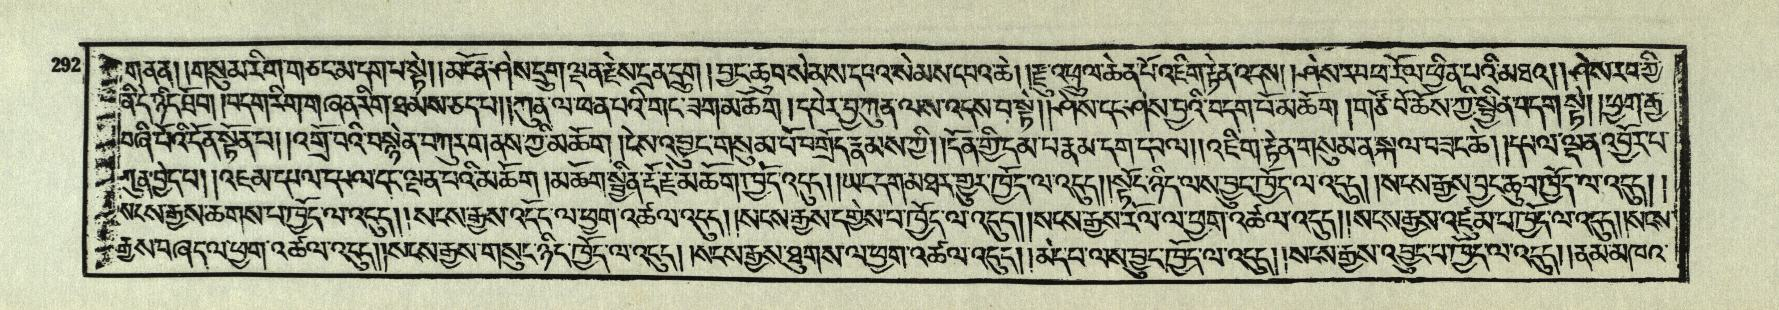གནན། །གསུམ་རིག་གཅང་མ་དག་པ་སྟེ། །མངོན་ཤེས་དྲུག་ལྡན་རྗེས་དྲན་དྲུག །བྱང་ཆུབ་སེམས་དཔའ་སེམས་དཔའ་ཆེ། །རྫུ་འཕྲུལ་ཆེན་པོ་འཇིག་རྟེན་འདས། །ཤེས་རབ་ཕ་རོལ་ཕྱིན་པའི་མཐའ། །ཤེས་རབ་ཀྱི་
ནི་དེ་ཉིད་ཐོབ། །བདག་རིག་གཞན་རིག་ཐམས་ཅད་པ། །ཀུན་ལ་ཕན་པའི་གང་ཟག་མཆོག །དཔེར་བྱ་ཀུན་ལས་འདས་བ་སྟེ། །ཤེས་དང་ཤེས་བྱའི་བདག་པོ་མཆོག །གཙོ་བོ་ཆོས་ཀྱི་སྦྱིན་བདག་སྟེ། །ཕྱག་རྒྱ་
བཞི་པོའི་དོན་སྟོན་པ། །འགྲོ་བའི་བསྙེན་བཀུར་གནས་ཀྱི་མཆོག །ངེས་འབྱུང་གསུམ་པོ་བགྲོད་རྣམས་ཀྱི། །དོན་གྱི་དམ་པ་རྣམ་དག་དཔལ། །འཇིག་རྟེན་གསུམ་ན་སྐལ་བཟང་ཆེ། །དཔལ་ལྡན་འབྱོར་པ་
ཀུན་བྱེད་པ། །འཇམ་དཔལ་དཔལ་དང་ལྡན་པའི་མཆོག །མཆོག་སྦྱིན་རྡོ་རྗེ་མཆོག་ཁྱོད་འདུད། །ཡང་དག་མཐར་གྱུར་ཁྱོད་ལ་འདུད། །སྟོང་ཉིད་ལས་བྱུང་ཁྱོད་ལ་འདུད། །སངས་རྒྱས་བྱང་ཆུབ་ཁྱོད་ལ་འདུད། །
སངས་རྒྱས་ཆགས་པ་ཁྱོད་ལ་འདུད། །སངས་རྒྱས་འདོད་ལ་ཕྱག་འཚལ་འདུད། །སངས་རྒྱས་དགྱེས་པ་ཁྱོད་ལ་འདུད། །སངས་རྒྱས་རོལ་ལ་ཕྱག་འཚལ་འདུད། །སངས་རྒྱས་འཛུམ་པ་ཁྱོད་ལ་འདུད། །སངས་
རྒྱས་བཞད་ལ་ཕྱག་འཚལ་འདུད། །སངས་རྒྱས་གསུང་ཉིད་ཁྱོད་ལ་འདུད། །སངས་རྒྱས་ཐུགས་ལ་ཕྱག་འཚལ་འདུད། །མེད་པ་ལས་བྱུང་ཁྱོད་ལ་འདུད། །སངས་རྒྱས་འབྱུང་པ་ཁྱོད་ལ་འདུད། །ནམ་མཁའ་